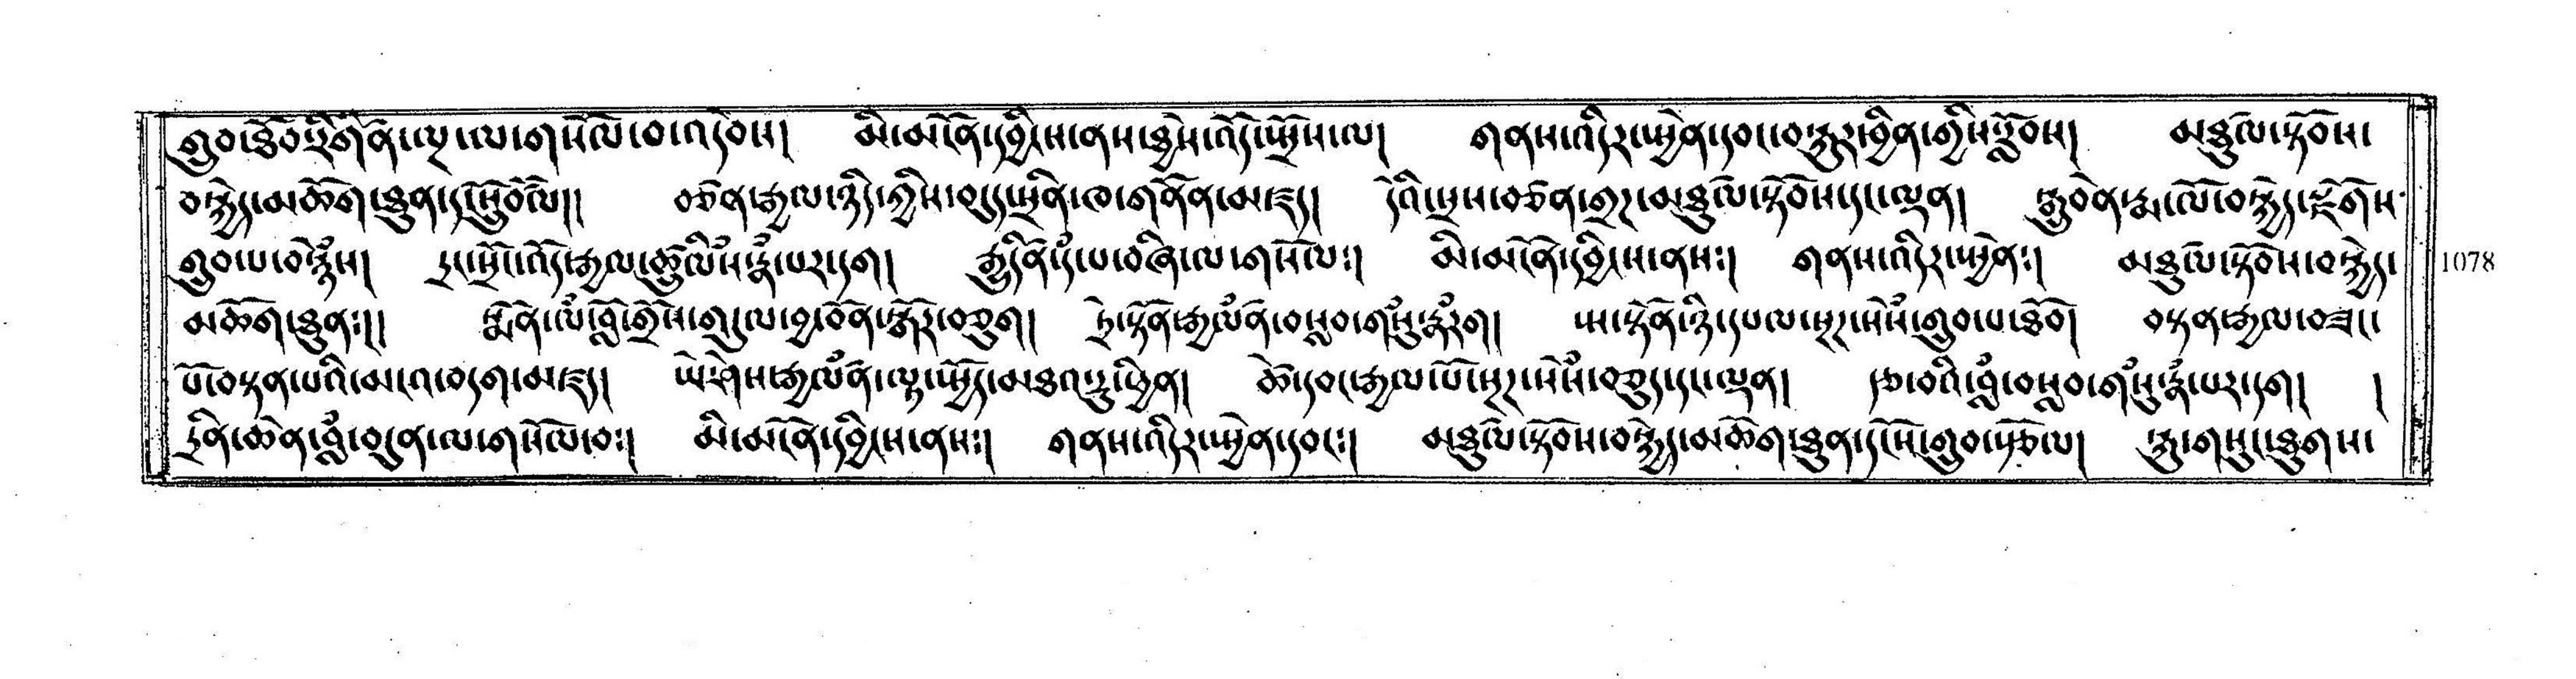གྲུབ་ཐོབ་རིག་འཛིན་ལྔ་ལ་གསོལ་བ་འདེབས། མི་མངོན་དབྱིངས་ནས་ཐུགས་རྗེ་འོད་སྤྲོས་ལ། གནས་འདིར་སྤྱན་འདྲེན་དབང་བསྐུར་བྱིན་གྱིས་རློབས། མཐུ་རྩལ་སྟོབས་
བསྐྱེད་མཆོག་ཐུན་དངོས་གྲུབ་སྩོལ།། བཙན་རྒྱལ་ཉིད་ཀྱིས་བདུད་སྲིན་ཁ་གནོན་མཛད། དེའི་སྲས་བཙན་གྲགས་མཐུ་རྩལ་སྟོབས་དང་ལྡན། སྒྲུབ་གཤེན་རྨ་ལོ་བསྐྱེད་རྫོགས་
གྲུབ་པ་བསྙེམས། དྲང་སྲོང་འོད་རྒྱལ་ཚུལ་ཁྲིམས་རྣམ་པར་དག རྒྱུད་འཛིན་དམ་པ་བཞི་ལ་གསོལ༴། མི་མངོན་དབྱིངས་ནས༴། གནས་འདིར་སྤྱན་འདྲེན་༴། མཐུ་རྩལ་སྟོབས་བསྐྱེད་
མཆོག་ཐུན༴།། སྨོན་ལམ་བློ་གྲོས་གདུལ་བྱ་བོན་སྒོར་བཅུག ཏྲེ་སྟོན་རྒྱལ་མཚན་བསླབ་གསུམ་རྣམ་པར་དག སྤ་སྟོན་ཉི་དཔལ་སྔགས་སེམས་གྲུབ་པ་ཐོབ། བསྟན་རྒྱལ་བཟང་
པོ་བསྟན་པའི་མངའ་བདག་མཛད། ཡེ་ཤེས་རྒྱལ་མཚན་ལྟ་སྤྱོད་མཐའ་རུ་ཕྱིན། ཚེ་དབང་རྒྱལ་པོ་སྔགས་སེམས་བཅུད་དང་ལྡན། རྩ་བའི་བླ་མ་བསླབ་གསུམ་རྣམ་པར་དག །
དྲིན་ཆེན་བླ་མ་བདུན་ལ་གསོལ་བ༴། མི་མངོན་དབྱིངས་ནས༴། གནས་འདིར་སྤྱན་འདྲེན་དབང་༴། མཐུ་རྩལ་སྟོབས་བསྐྱེད་མཆོག་ཐུན་དངོས་གྲུབ་སྩོལ། སྐུ་གསུང་ཐུགས་